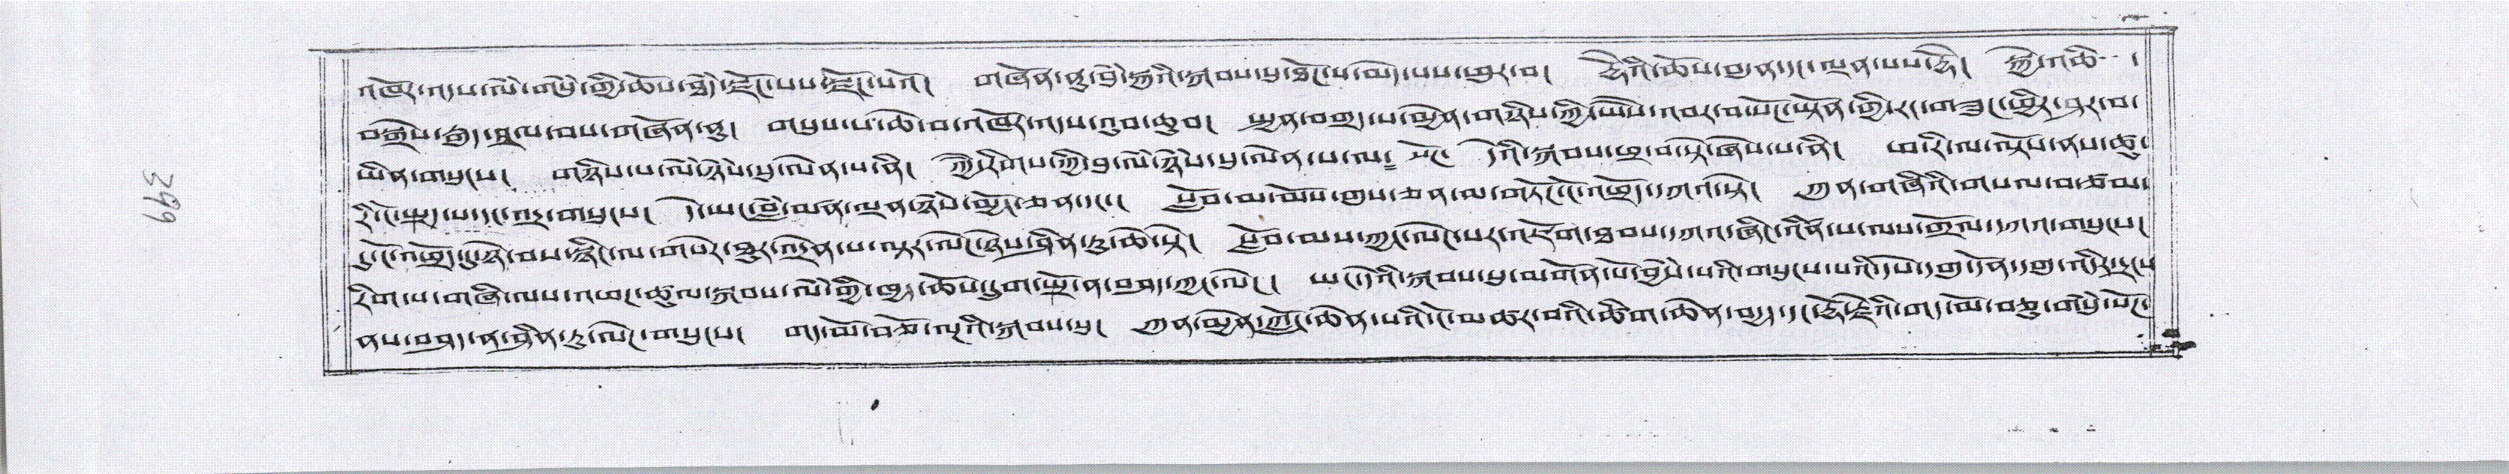འཁོིར་འདས་ལམ་གསུམ་གྱི་ཆོས་ཐམས་ཅད་རྫོགས་པས་རྫོགས་པའོ། གཞོན་ནུ་བུམ་སྐུའི་སྐབས་སུ་ཐོགས་པ་མེད་པས་ཕུར་པ། རྡོ་རྗེའི་ཆོས་བདུན་དང་ལྡན་པས་རྡོ་རྗེ། སྐྱེ་འཆི་
བགྲེས་རྒུད་བྲལ་བས་གཞོན་ནུ། གསུས་པ་ཆེ་བ་འཁོར་འདས་འུབས་ཆུབ། སྤྱན་བགྲད་པ་མཁྱེན་གཉིས་ཀྱི་ཡེ་ཤེས་འབར་བ་སོགས་ཡོན་ཏན་གྱི་རང་གཟུགས་ཕྱིར་ཤར་བ་
ཡིན་གསུངས། གཉིས་པ་ལམ་ཉམས་སུ་ལེན་པ་ནི། ཀྱེ་རིགས་ཀྱི་བུ་མོ། ཉམས་སུ་ལེན་པ་ལ། སོགས། དེའི་སྐབས་ཕྲ་བ་སྟེ་ཞེས་པ་ནི། ཕ་རི་ལ་ལྟོས་ནས་ཚུར་
རི་དང་སྤྲད་པ་དང་འདྲ་གསུངས། དེ་ཡང་བླ་མ་མཚན་ལྡན་ཉམས་མྱོང་ཅན་དང་སློབ་མ་མོས་གུས་ཅན་མ་གཏོགས་ངོ་འཕྲོད་དཀའ་སྟེ། ཀུན་གཞིའི་གསལ་བ་ཙམ་
དུ་ངོ་འཕྲོད་དུ་ཉེ་བས་སྙིང་ལ་གསེར་ཐུར་འདྲེན་པ་ལྟར་ལེགས་ཉེས་ཤིན་ཏུ་ཆེ་སྟེ། སློབ་མས་ཀྱང་ལེགས་པར་འགྲོལ་ཐབས་དཀའ་ཞིང་འཛིན་པ་ལས་གྲོལ་དཀའ་གསུངས། 
རིག་པ་གཞི་ལས་འཕགས་ཚུལ་སྐབས་ལམ་གྱི་ཁྱད་ཆོས་དྲུག་སྤྲོ་ན་བཤད་ཀྱང་ལེགས། ཡང་དེའི་སྐབས་མགོན་པོ་བྱམས་པས་གསུངས་པའི་དཔེ་དགུ་དོན་དགུ་འདིར་དྲངས་
ནས་བཤད་ན་ཤིན་ཏུ་ལེགས་གསུངས། གད་མོ་བཅོ་ལྔའི་སྐབས་སུ། ཀུན་མཁྱེན་ཀློང་ཆེན་པའི་ངོ་མཚར་བའི་ཚིག་ཆེན་བརྒྱད་དང་རྡོ་རྗེའི་གད་མོ་བཅུ་གསུམ་སོགས་